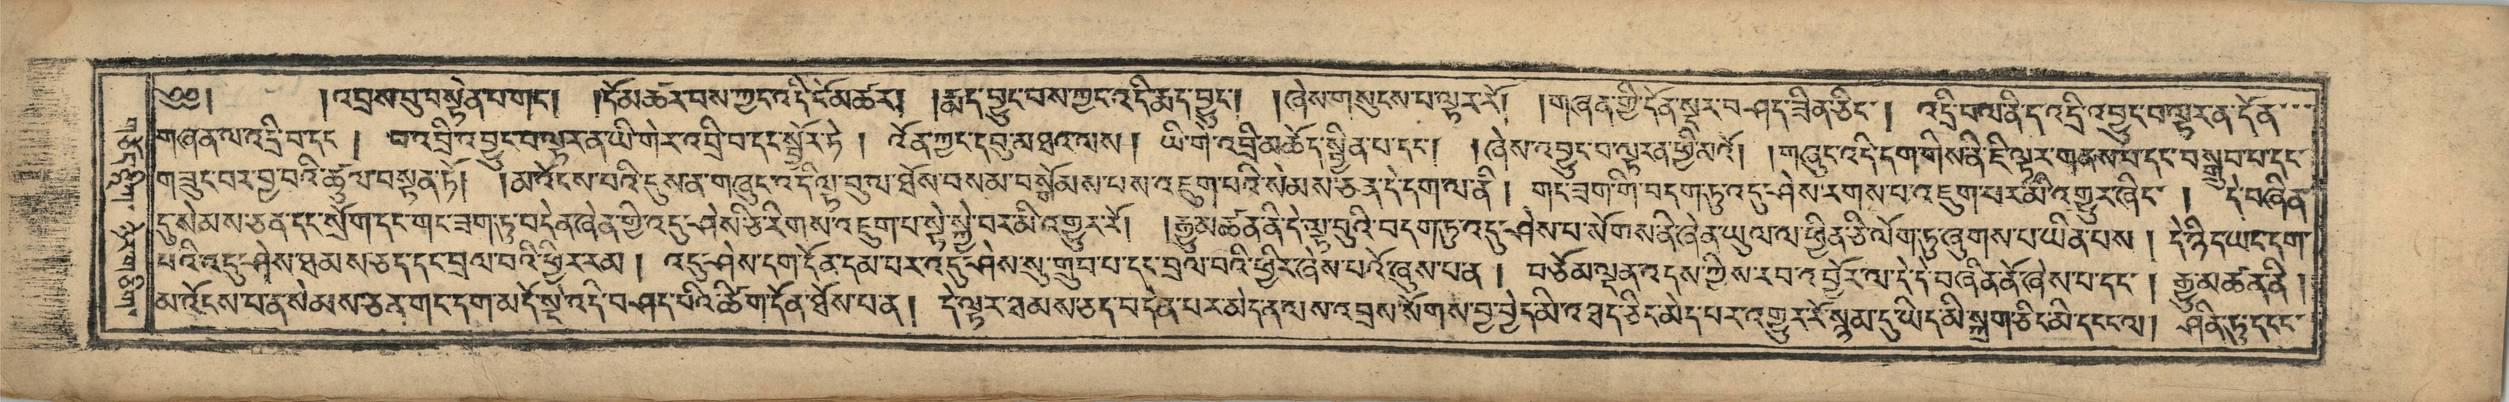༄༅། །འབྲས་བུ་བསྟན་པ་གང་། །ངོ་མཚར་བས་ཀྱང་འདི་ངོ་མཚར། །རྨད་བྱུང་བས་ཀྱང་འདི་རྨད་བྱུང་། །ཞེས་གསུངས་པ་ལྟར་རོ། །གཞན་གྱི་དོན་སྔར་བཤད་ཟིན་ཅིང་། འདྲི་བ་ལ་ནི་ད་འདྲི་འབྱུང་བ་ལྟར་ན་དོན་
གཞན་ལ་འདྲི་བ་དང་། བ་འབྲི་འབྱུང་བ་ལྟར་ན་ཡི་གེར་འབྲི་བ་དང་སྦྱོར་ཏེ། འོན་ཀྱང་དབུ་མཐའ་ལས། ཡི་གེ་འབྲི་མཆོད་སྦྱིན་པ་དང་། །ཞེས་འབྱུང་བ་ལྟར་ན་ཕྱི་མའོ། །གཞུང་འདི་དག་གིས་ནི་ཇི་ལྟར་གནས་པ་དང་བསྒྲུབ་པ་དང་
གཟུང་བར་བྱ་བའི་ཚུལ་བསྟན་ཏོ། །མ་འོངས་པའི་དུས་ན་གཞུང་འདི་ལྟ་བུ་ལ་ཐོས་བསམ་བསྒོམས་པས་འཇུག་པའི་སེམས་ཅན་དེ་དག་ལ་ནི། གང་ཟག་གི་བདག་ཏུ་འདུ་ཤེས་རགས་པ་འཇུག་པར་མི་འགྱུར་ཞིང་། དེ་བཞིན་
དུ་སེམས་ཅན་དང་སྲོག་དང་གང་ཟག་ཏུ་བདེན་ཞེན་གྱི་འདུ་ཤེས་ཅི་རིགས་འཇུག་པ་སྟེ་སྐྱེ་བར་མི་འགྱུར་རོ། །རྒྱུ་མཚན་ནི་དེ་ལྟ་བུའི་བདག་ཏུ་འདུ་ཤེས་པ་སོགས་ནི་ཞེན་ཡུལ་ལ་ཕྱིན་ཅི་ལོག་ཏུ་ཞུགས་པ་ཡིན་པས། དེ་ཉིད་ཡང་དག་
པའི་འདུ་ཤེས་ཐམས་ཅད་དང་བྲལ་བའི་ཕྱིར་རམ། འདུ་ཤེས་དག་དོན་དམ་པར་འདུ་ཤེས་སུ་གྲུབ་པ་རང་བྲལ་བའི་ཕྱིར་ཞེས་པའོ་ཞུས་པ་ན། བཅོམ་ལྡན་འདས་ཀྱིས་རབ་འབྱོར་ལ་དེ་དེ་བཞིན་ནོ་ཞེས་པ་དང་། རྒྱུ་མཚན་ནི།
མ་འོངས་པ་ན་སེམས་ཅན་གང་དག་མདོ་སྡེ་འདི་བཤད་པའི་ཚིག་དོན་ཐོས་པ་ན། དེ་ལྟར་ཐམས་ཅད་བདེན་པར་མེད་ན་ལས་འབྲས་སོགས་བྱ་བྱེད་མི་འཐད་ཅིང་མེད་པར་འགྱུར་རོ་སྙམ་དུ་ཡིད་མི་སྐྲག་ཅིང་མི་དངང་ལ། ཤིན་ཏུ་དངང་